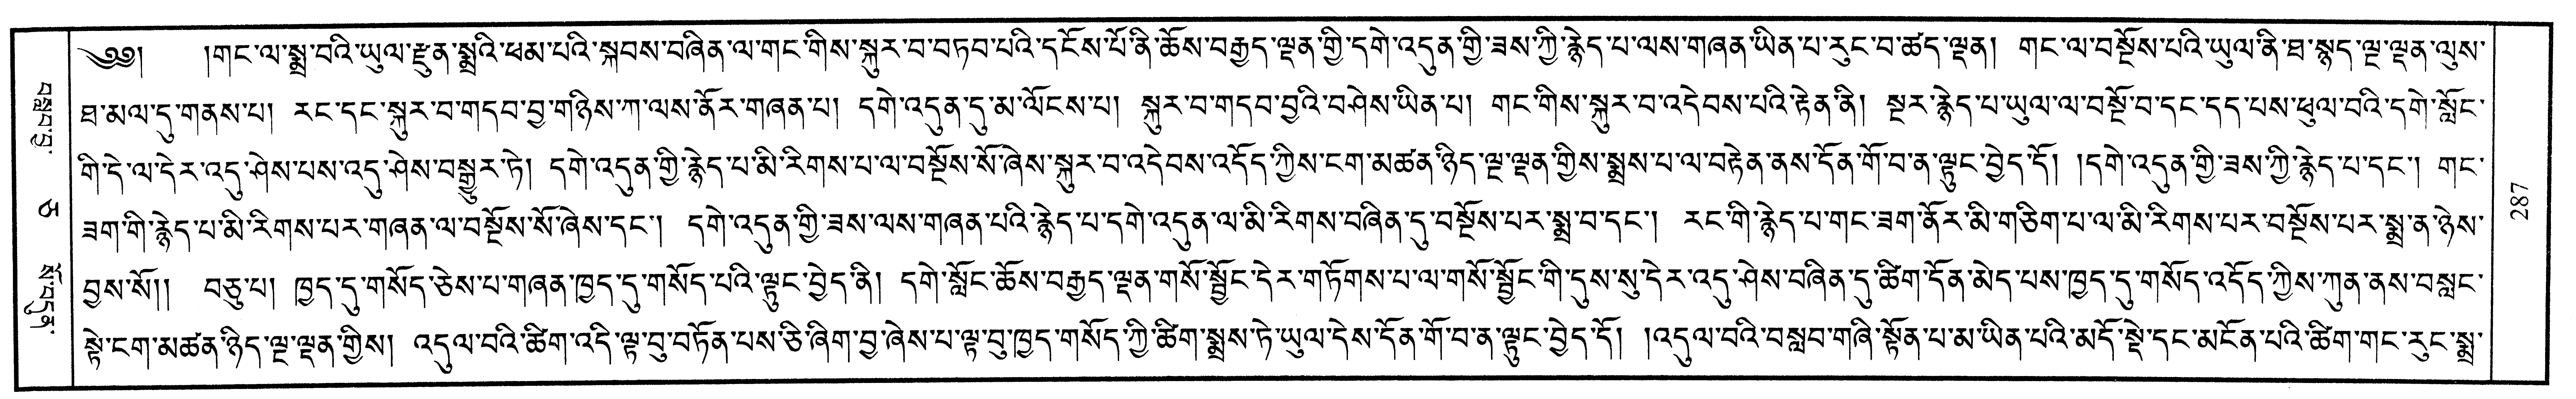༄༅། །གང་ལ་སྨྲ་བའི་ཡུལ་རྫུན་སྨྲའི་ཕམ་པའི་སྐབས་བཞིན་ལ་གང་གིས་སྐུར་བ་བཏབ་པའི་དངོས་པོ་ནི་ཆོས་བརྒྱད་ལྡན་གྱི་དགེ་འདུན་གྱི་ཟས་ཀྱི་རྙེད་པ་ལས་གཞན་ཡིན་པ་རུང་བ་ཚད་ལྡན། གང་ལ་བསྔོས་པའི་ཡུལ་ནི་ཐ་སྙད་ལྔ་ལྡན་ལུས་
ཐ་མལ་དུ་གནས་པ། རང་དང་སྐུར་བ་གདབ་བྱ་གཉིས་ཀ་ལས་ནོར་གཞན་པ། དགེ་འདུན་དུ་མ་ལོངས་པ། སྐུར་བ་གདབ་བྱའི་བཤེས་ཡིན་པ། གང་གིས་སྐུར་བ་འདེབས་པའི་རྟེན་ནི། སྔར་རྙེད་པ་ཡུལ་ལ་བསྔོ་བ་དང་དད་པས་ཕུལ་བའི་དགེ་སློང་
གི་དེ་ལ་དེར་འདུ་ཤེས་པས་འདུ་ཤེས་བསྒྱུར་ཏེ། དགེ་འདུན་གྱི་རྙེད་པ་མི་རིགས་པ་ལ་བསྔོས་སོ་ཞེས་སྐུར་བ་འདེབས་འདོད་ཀྱིས་ངག་མཚན་ཉིད་ལྔ་ལྡན་གྱིས་སྨྲས་པ་ལ་བརྟེན་ནས་དོན་གོ་བ་ན་ལྟུང་བྱེད་དོ། །དགེ་འདུན་གྱི་ཟས་ཀྱི་རྙེད་པ་དང་། གང་
ཟག་གི་རྙེད་པ་མི་རིགས་པར་གཞན་ལ་བསྔོས་སོ་ཞེས་དང་། དགེ་འདུན་གྱི་ཟས་ལས་གཞན་པའི་རྙེད་པ་དགེ་འདུན་ལ་མི་རིགས་བཞིན་དུ་བསྔོས་པར་སྨྲ་བ་དང་། རང་གི་རྙེད་པ་གང་ཟག་ནོར་མི་གཅིག་པ་ལ་མི་རིགས་པར་བསྔོས་པར་སྨྲ་ན་ཉེས་
བྱས་སོ།། བཅུ་པ། ཁྱད་དུ་གསོད་ཅེས་པ་གཞན་ཁྱད་དུ་གསོད་པའི་ལྟུང་བྱེད་ནི། དགེ་སློང་ཆོས་བརྒྱད་ལྡན་གསོ་སྦྱོང་དེར་གཏོགས་པ་ལ་གསོ་སྦྱོང་གི་དུས་སུ་དེར་འདུ་ཤེས་བཞིན་དུ་ཚིག་དོན་མེད་པས་ཁྱད་དུ་གསོད་འདོད་ཀྱིས་ཀུན་ནས་བསླང་
སྟེ་ངག་མཚན་ཉིད་ལྔ་ལྡན་གྱིས། འདུལ་བའི་ཚིག་འདི་ལྟ་བུ་བཏོན་པས་ཅི་ཞིག་བྱ་ཞེས་པ་ལྟ་བུ་ཁྱད་གསོད་ཀྱི་ཚིག་སྨྲས་ཏེ་ཡུལ་དེས་དོན་གོ་བ་ན་ལྟུང་བྱེད་དོ། །འདུལ་བའི་བསླབ་གཞི་སྟོན་པ་མ་ཡིན་པའི་མདོ་སྡེ་དང་མངོན་པའི་ཚིག་གང་རུང་སྨྲ་